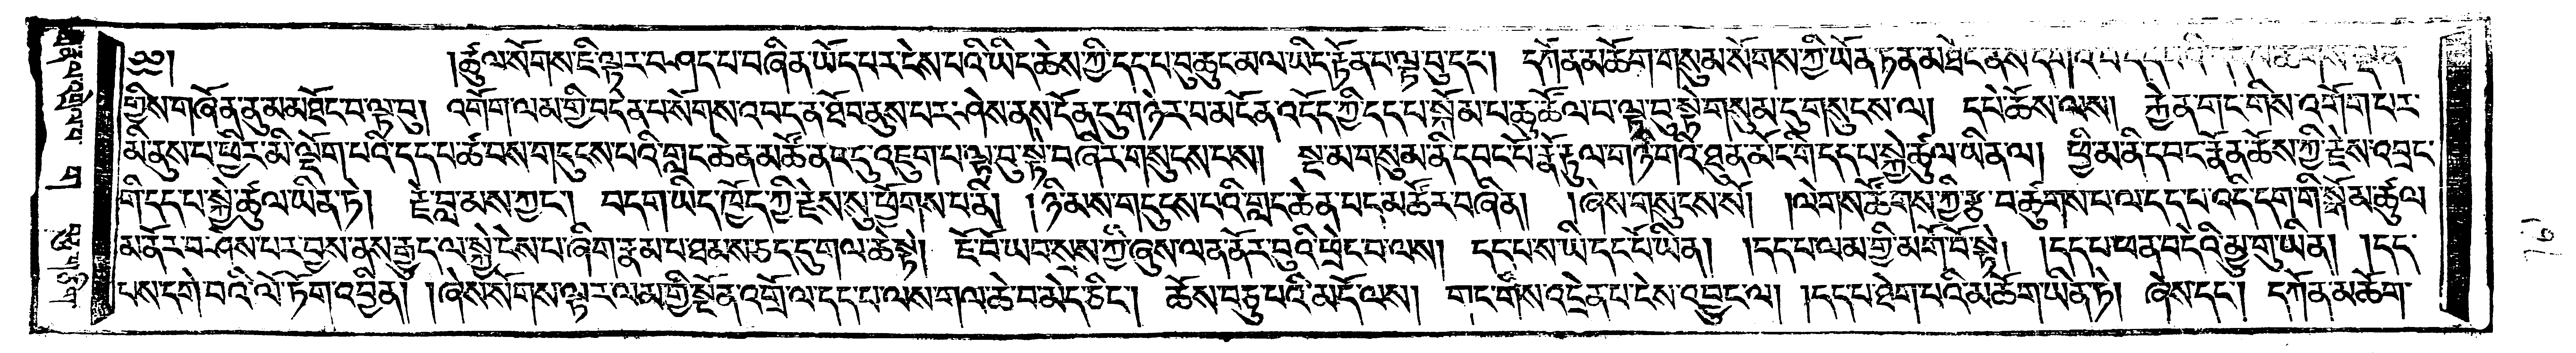༄༅། །ཚུལ་སོགས་ཇི་ལྟར་བཤད་པ་བཞིན་ཡོད་པར་ངེས་པའི་ཡིད་ཆེས་ཀྱི་དད་པ་བུ་ཆུང་མལ་ཡིད་རྟོན་པ་ལྟ་བུ་དང་། དཀོན་མཆོག་གསུམ་སོགས་ཀྱི་ཡོན་ཏན་མཐོང་ནས་དགའ་བ་དད་པའི་དད་པ་ཆགས་ལྡན་
གྱིས་གཞོན་ནུ་མ་མཐོང་བ་ལྟ་བུ། འགོག་ལམ་གྱི་བདེན་པ་སོགས་འབད་ན་ཐོབ་ནུས་པར་ཤེས་ནས་ངོན་དུ་གཉེར་བ་མངོན་འདོད་ཀྱི་ངང་པ་སྐྲོམ་པ་ཆུ་ཚོལ་བ་ལྟ་བུ་སྟེ་གསུམ་དུ་གསུངས་ལ། དབེ་ཆོས་ལས། རྐྱེན་གང་གིས་འགོག་པར་
མི་ནུས་པ་ཕྱིར་མི་ལྡོག་པའི་དད་པ་ཚ་བས་གདུངས་པའི་གླང་ཆེན་མཚོ་ནང་དུ་འཇུག་པ་ལྟ་བུ་སྟེ་བཞིར་གསུངས་པས། སྔ་མ་གསུམ་ནི་དབང་པོ་རྣོ་རྟུལ་གཉི་གའི་ཐུན་མོང་གི་དད་པ་སྐྱེ་ཚུལ་ཡིན་ལ། ཕྱི་མ་ནི་དབང་རྣོན་ཆོས་ཀྱི་རྗེས་འབྲང་
གི་དད་པ་སྐྱེ་ཚུལ་ཡིན་ཏེ། རྗེ་བླ་མས་ཀྱང་། བདག་ཡིད་ཁྱོད་ཀྱི་རྗེས་སུ་ཕྱོགས་པ་ནི། །ཉི་མས་གདུངས་པའི་གླང་ཆེན་པད་མཚོར་བཞིན། །ཞེས་གསུངས་སོ། །ལེགས་ཚོགས་ཀྱི་རྩ་བ་ཚུགས་བ་ལ་དད་པ་འདི་དག་གི་སྒོམ་ཚུལ་
མནོར་བ་ཤེས་པར་བྱས་ནས་རྒྱུད་ལ་སྐྱེ་ངེས་པ་ཞིག་རྣམ་པ་ཐམས་ཅད་དུ་གལ་ཆེ་སྟེ། ཇོ་བོ་ཡབ་སྲས་ཀྱི་ཞུས་ལན་ནོར་བུའི་ཕྲེང་བ་ལས། དང་པས་ཡི་དང་པོ་ཡིན། །དད་པ་ལམ་གྱི་མགོ་བོ་སྟེ། །དད་པ་ཕན་བདེའི་མྱུ་གུ་ཡིན། །དད་
པས་དགེ་བའི་ལོ་ཏོག་འབྱིན། །ཞེས་སོགས་ལྟར་ལམ་གྱི་སྔོན་འགྲོ་ལ་དད་པ་ལས་གལ་ཆེ་བ་མེད་ཅིང་། ཆོས་བཅུ་པའི་མདོ་ལས། གང་གིས་འདྲེན་པ་ངེས་འབྱུང་ལ། །དད་པ་ཐེག་པའི་མཚོག་ཡིན་ཏེ། ཞེས་དང་། དཀོན་མཆོག་